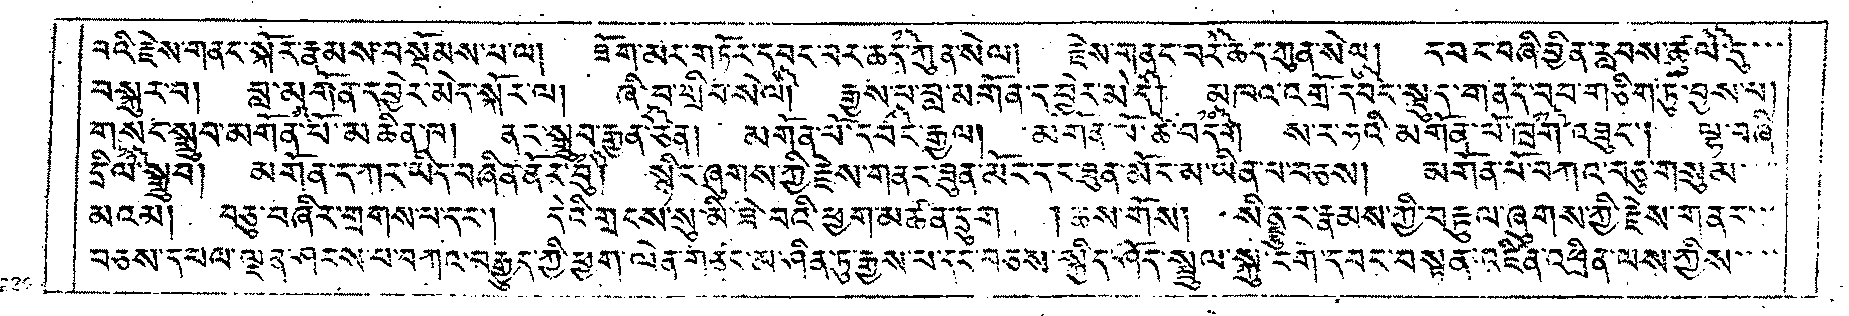བའི་རྗེས་གནང་སྐོར་རྣམས་བསྡོམས་པ་ལ། ཐོག་མར་གཏོར་དབང་བར་ཆད ༡?་ཀུན་སེལ། རྗེས་གནང་བར ༢?་ཆད་ཀུན་སེལ། དབང་བཞི་བྱིན་རླབས་ཚུལ ༣?་དུ་
བསྐུར་བ། བླ་མགོན་དབྱེར་མེད་སྐོར་ལ། ཞི་བ་གྲིབ་སེལ ༤?། རྒྱས་པ་བླ་མགོན་དབྱེར་མེད ༥?། མཁའ་འགྲོ ༦?་དབང་སྡུད་གནད་བབ་གཅིག་ཏུ་བྱས་པ།
གསང་སྒྲུབ་མགོན ༧?་པོ་མཆིན་ཁ། ནང་སྒྲུབ་རྒྱན ༨?་ཅན། མགོན་པོ་དབང ༩?་རྒྱལ། མགོན་པོ་ཚེ་བདག ༡༠?་ས་ར་ཧའི་མགོན་པོ་ཁྲག ༡༡?་འཐུང་། ལྷ་བཞི་
དྲིལ ༡༢?་སྒྲུབ། མགོན་དཀར་ཡིད་བཞིན་ནོར་བུ ༡༣?། སྙིང་ཞུགས་ཀྱི་རྗེས་གནང་ཐུན་མོང་དང་ཐུན་མོང་མ་ཡིན་པ་བཅས། མགོན་པོ་བཀའ་བཅུ་གསུམ་
མའམ། བཅུ་བཞིར་གྲགས་པ་དང་། དེའི་གྲངས་སུ་མི་ཐེ་བའི་ཕྱག་མཚན་དྲུག །ཆས་གོས། སིནྡྷུ་ར་རྣམས་ཀྱི་བརྟུལ་ཞུགས་ཀྱི་རྗེས་གནང་
བཅས་དཔལ་ལྡན་ཤངས་པ་བཀའ་བརྒྱུད་ཀྱི་ཕྱག་ལེན་གཙང་མ་ཤིན་ཏུ་རྒྱས་པ་དང་བཅས་སྐྱིད་ཤོད་སྤྲུལ་སྐུ་ངག་དབང་བསྟན་འཛིན་འཕྲིན་ལས་ཀྱིས་